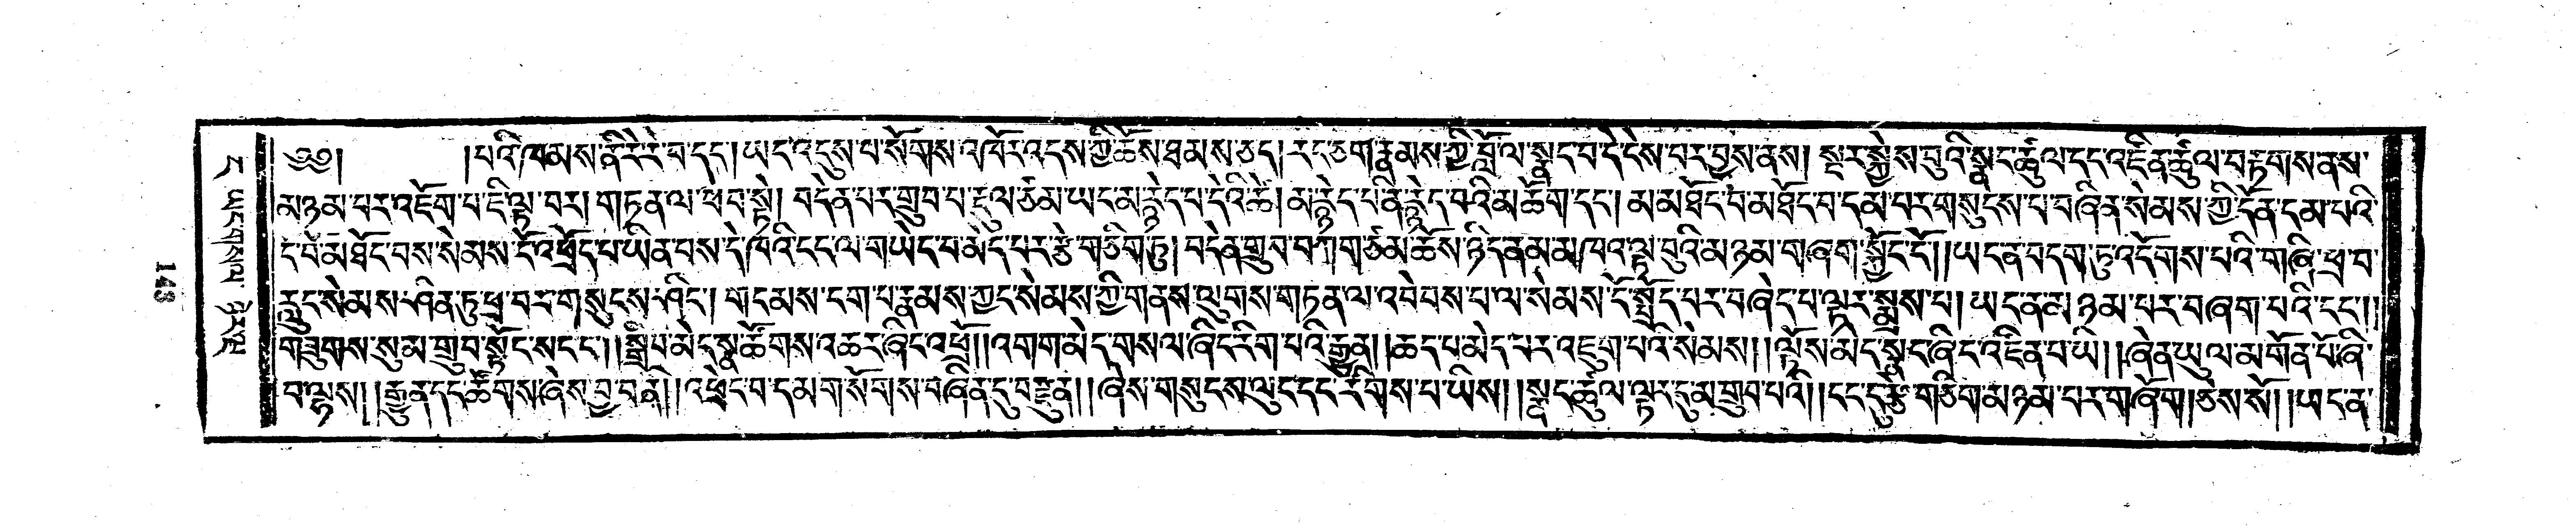༄༅། །པའི་ཁམས་ནི་རེ་རེ་བ་དང་། ཡང་འདུས་པ་སོགས་འཁོར་འདས་ཀྱི་ཆོས་ཐམས་ཅད། རང་ཅག་རྣམས་ཀྱི་བློ་ལ་སྣང་བ་དེ་ངེས་པར་བྱས་ནས། སྔར་སྐྱེས་བུའི་སྣང་ཚུལ་དང་འཛིན་ཚུལ་བརྟགས་ནས་
མཉམ་པར་འཇོག་པ་ཇི་ལྟ་བར། གཏན་ལ་ཕབ་སྟེ། བདེན་པར་གྲུབ་པ་རྡུལ་ཙམ་ཡང་མ་རྙེད་པ་དེའི་ཚེ། མ་རྙེད་པ་ནི་རྙེད་པའི་མཆོག་དང་། མ་མཐོང་བ་མཐོང་བ་དམ་པར་གསུངས་པ་བཞིན་སེམས་ཀྱི་དོན་དམ་པའི་
ངོ་བོ་མཐོང་བས་སེམས་ངོ་འཕྲོད་པ་ཡིན་པས་དེ་ཁའི་ངང་ལ་གཡེང་བ་མེད་པར་རྩེ་གཅིག་ཏུ། བདེན་གྲུབ་བཀག་ཙམ་ཆོས་ཉིད་ནམ་མཁའ་ལྟ་བུའི་མཉམ་གཞག་སྐྱོང་ངོ། །ཡང་ན་བདག་ཏུ་འདོགས་པའི་གཞི་ཕྲ་བ་
རླུང་སེམས་ཤིན་ཏུ་ཕྲ་བར་གསུངས་ཤིང་། གདམས་ངག་པ་རྣམས་ཀྱང་སེམས་ཀྱི་གནས་ལུགས་གཏན་ལ་འབེབས་པ་ལ་སེམས་ངོ་སྤྲོད་པར་བཞེད་པ་ལྟར་སྨྲས་པ། ཡང་ན་མཉམ་པར་བཞག་པའི་ངང།།
གཟུགས་སུ་མ་གྲུབ་སྟོང་སང་ངེ། །སྒྲིབ་མེད་སྣ་ཚོགས་འཆར་ཞིང་འཕྲོ། །འགག་མེད་གསལ་ཞིང་རིག་པའི་རྒྱུན། །ཆད་པ་མེད་པར་འཇུག་པའི་སེམས། །ལྟོས་མེད་སྣང་ཞིང་འཛིན་པ་ཡི། །ཞེན་ཡུལ་མགོན་པོ་ཞི་
བ་ལྷས། །རྒྱུན་དང་ཚོགས་ཞེས་བྱ་བ་ནི། །འཕྲེང་བ་དམག་སོགས་བཞིན་དུ་བརྫུན། །ཞེས་གསུངས་ལུང་དང་རིགས་པ་ཡིས། །སྣང་ཚུལ་ལྟར་དུ་མ་གྲུབ་པའི། །ངང་དུ་རྩེ་གཅིག་མཉམ་པར་གཞོག །ཅེས་སོ། །ཡང་ན་